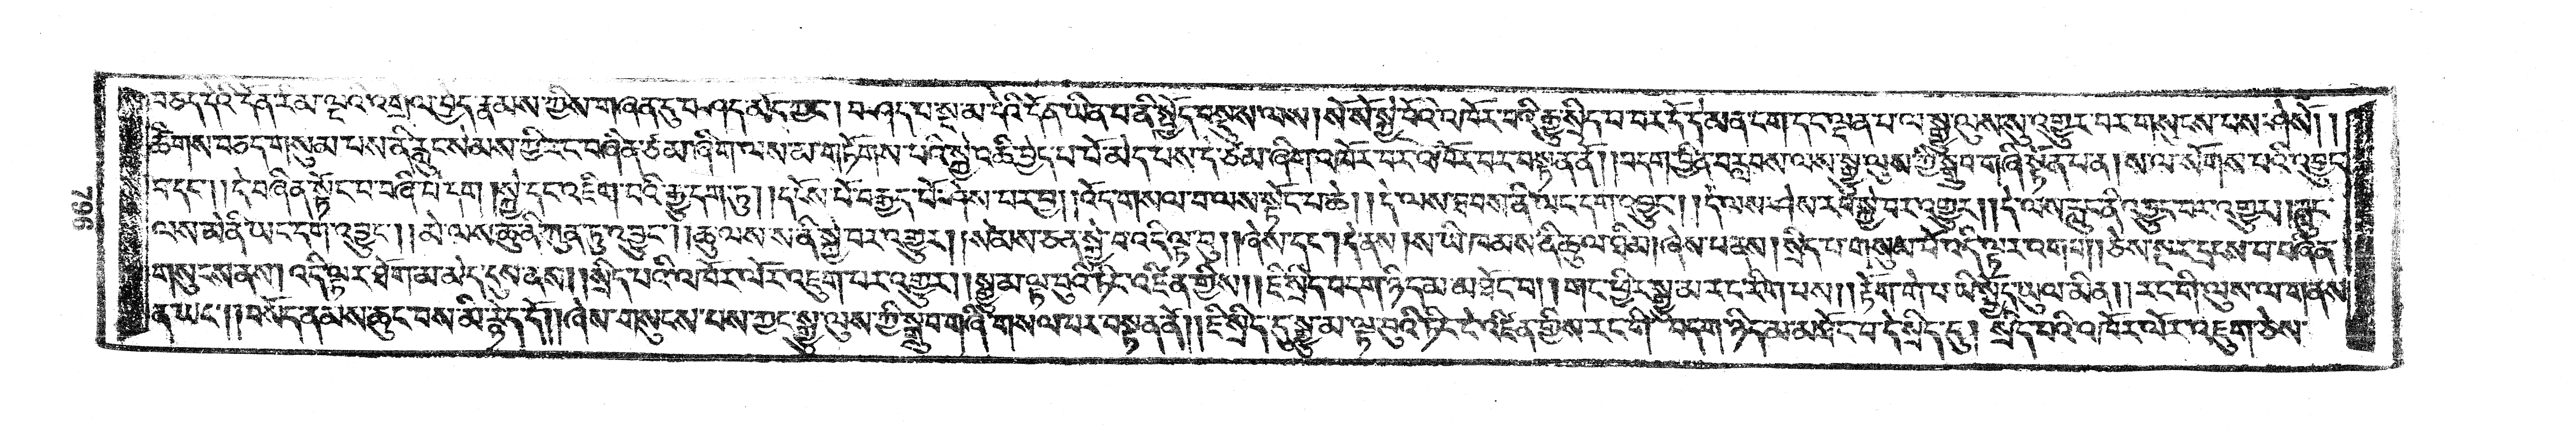བཅད་དེའི་དོན་རིམ་ལྔའི་འགྲེལ་བྱེད་རྣམས་ཀྱིས་གཞན་དུ་བཤད་མོད་ཀྱང་། བཤད་པ་སྔ་མ་དེའི་དོན་ཡིན་པ་ནི་སྤྱོད་བསྡུས་ལས། སོ་སོ་སྐྱེ་བོའི་འཁོར་བའི་རྒྱུ་སྲིད་པ་བར་དོ་དེ་མན་ངག་དང་ལྡན་པ་ལ་སྒྱུ་ལུས་སུ་འགྱུར་བར་གསུངས་པས་ཤེས་སོ། །
ཚིགས་བཅད་གསུམ་པས་ནི་རླུང་སེམས་ཀྱི་རང་བཞིན་ཙམ་ཞིག་ལས་མ་གཏོགས་པའི་སྐྱེ་འཆི་བྱེད་པ་པོ་མེད་པས་དེ་ཙམ་ཞིག་འཁོར་བར་འཁོར་བར་བསྟན་ནོ། །བདག་བྱིན་བརླབས་ལས་སྒྱུ་ལུས་ཀྱི་སྒྲུབ་གཞི་སྟོན་པ་ན། ས་ལ་སོགས་པའི་འབྱུང་
བ་དང་། །དེ་བཞིན་སྟོང་པ་བཞི་པོ་དག །སྐྱེ་དང་འཇིག་པའི་རྒྱུ་དག་ཏུ། །དངོས་པོ་བརྒྱད་པོ་ཤེས་པར་བྱ། །འོད་གསལ་བ་ལས་སྟོང་པ་ཆེ། །དེ་ལས་ཐབས་ནི་ཡང་དག་འབྱུང་། །དེ་ལས་ཤེས་རབ་སྐྱེ་བར་འགྱུར། །དེ་ལས་རླུང་ནི་འབྱུང་བར་འགྱུར། །རླུང་
ལས་མེ་ནི་ཡང་དག་འབྱུང་། །མེ་ལས་ཆུ་ནི་ཀུན་ཏུ་འབྱུང་། །ཆུ་ལས་ས་ནི་སྐྱེ་བར་འགྱུར། །སེམས་ཅན་སྐྱེ་བ་འདི་ལྟ་བུ། །ཞེས་དང་། དེ་ནས། ས་ཡི་ཁམས་ནི་ཆུ་ལ་ཐིམ། ཞེས་པ་ནས། སྲིད་པ་གསུམ་པོ་འདི་ལྟར་འགབ། །ཅེས་སྔར་དྲངས་པ་བཞིན་
གསུངས་ནས། འདི་ལྟར་ཐོག་མ་མེད་དུས་ནས། །སྲིད་པའི་འཁོར་ལོར་འཇུག་པར་འགྱུར། །སྒྱུ་མ་ལྟ་བུའི་ཏིང་འཛིན་གྱིས། །ཇི་སྲིད་བདག་ཉིད་མ་མཐོང་བ། །གང་ཕྱིར་སྒྱུ་མ་རང་རིག་པས། །རྟོག་གེ་པ་ཡི་སྤྱོད་ཡུལ་མིན། །རང་གི་ལུས་ལ་གནས་
ན་ཡང་། །བསོད་ནམས་ཆུང་བས་མི་རྙེད་དོ། །ཞེས་གསུངས་པས་ཀྱང་སྒྱུ་ལུས་ཀྱི་སྒྲུབ་གཞི་གསལ་བར་བསྟན་ནོ། །ཇི་སྲིད་དུ་སྒྱུ་མ་ལྟ་བུའི་ཏིང་ངེ་འཛིན་གྱིས་རང་གི་བདག་ཉིད་མ་མཐོང་བ་དེ་སྲིད་དུ། སྲིད་པའི་འཁོར་ལོར་འཇུག་ཅེས་